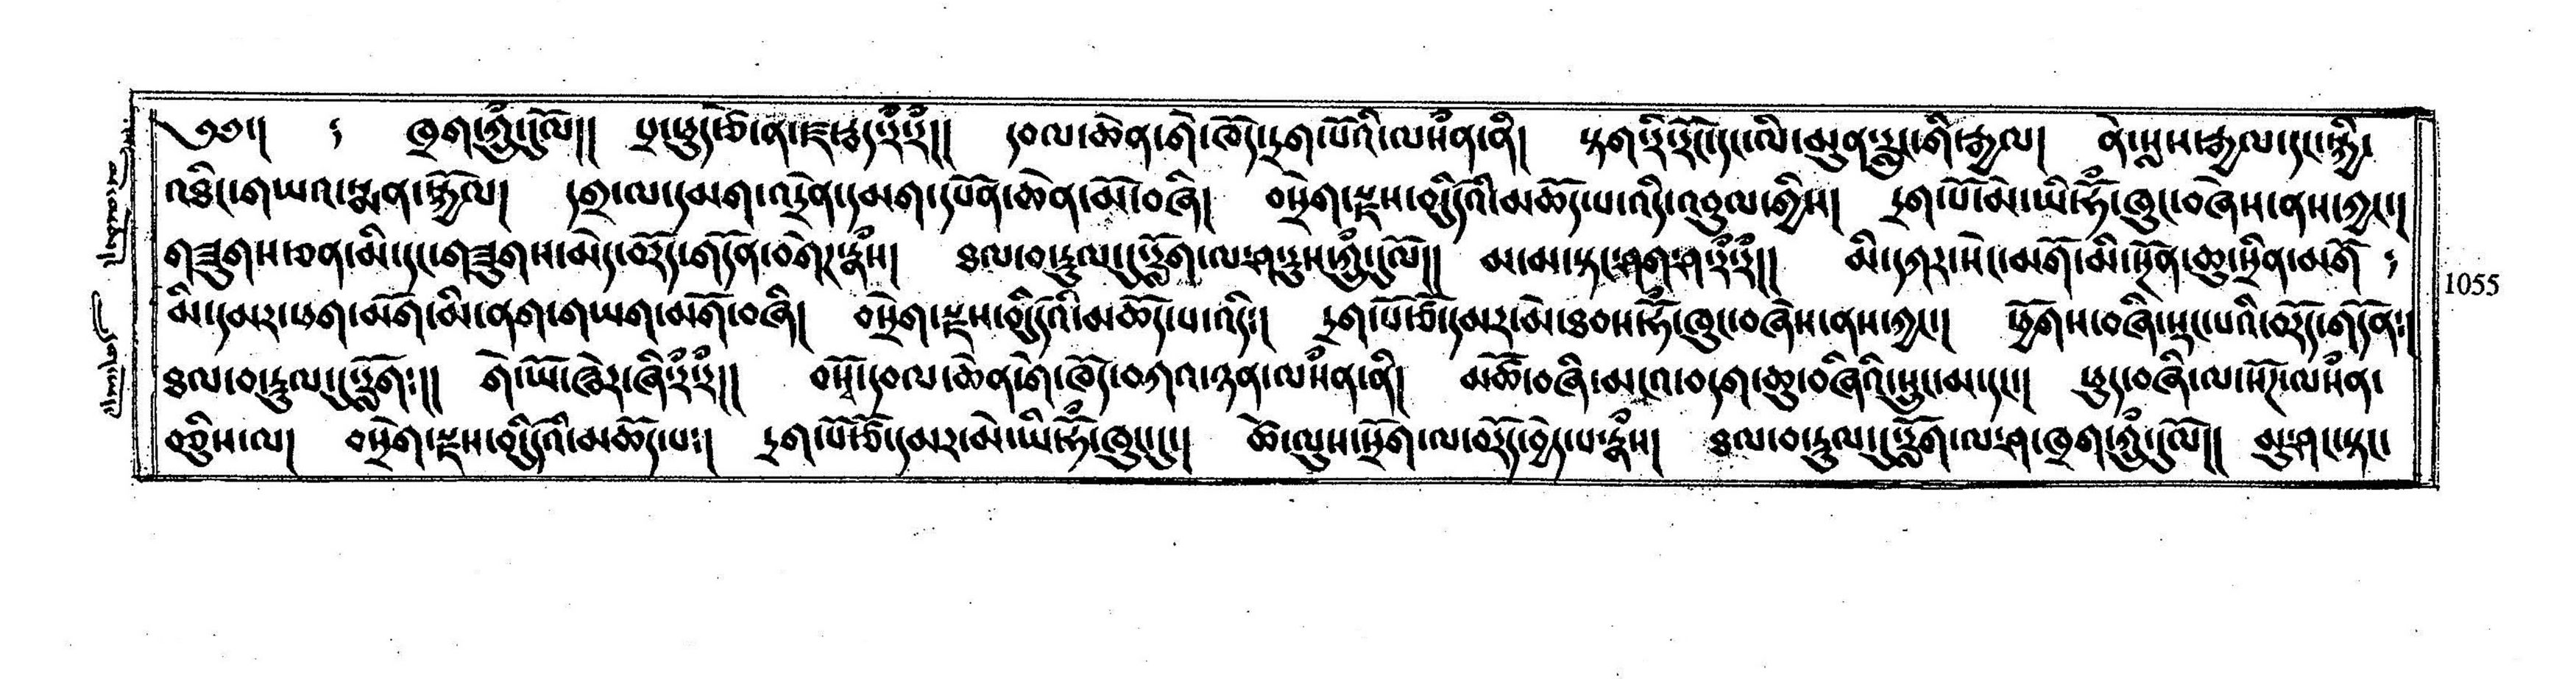ཁྲག་ཀྲུམ་དུ་གསོལ།། པྲ་ཕུད་ཙེ་ན་ཛ་རྦད་རཾ་རཾ།། དབལ་ཆེན་གེ་ཁོད་དྲག་པོའི་ལས་མཁན་ནི། སྟག་རི་རོང་དང་ལི་མུན་རླུང་གི་རྒྱལ། ནེ་སླས་རྒྱལ་དང་སྐྱི་
འཐིང་གཡའ་སྨན་སྐྱོལ། དགྲ་ལ་དམག་འདྲེན་དམག་དཔོན་ཆེན་མོ་བཞི། བསྲེག་རྫས་བདུད་རྩིའི་མཆོད་པ་འདི་འབུལ་གྱིས། དྲག་པོ་མེ་ཡི་ཧོམ་ཁུང་བཞེས་ནས་ཀྱང་། 
གཟུགས་ཅན་མི་དང་གཟུགས་མེད་བར་ཆོད་གདོན་བགེགས་རྣམས། ཐལ་བ་རྡུལ་དུ་རློག་ལ་ཤ་རུས་ཀྲུམ་དུ་གསོལ།། མ་མ་སྟང་ཤག་ཤ་རཾ་རཾ།། མི་དཀར་སེང་མགོ་མི་སྔོན་ཆུ་སྲིན་མགོ་
མི་དམར་ཕག་མགོ་མི་ནག་གཡག་མགོ་བཞི། བསྲེག་རྫས་བདུད་རྩིའི་མཆོད་པ་འདི༴། དྲག་པོ་ཙོ་དམར་མེ་ཐབས་ཧོམ་ཁུང་བཞེས་ནས་ཀྱང་། ཕྱོགས་བཞི་སྡང་པའི་བར་ཆོད་གདོན༴། 
ཐལ་བ་རྡུལ་དུ་རློག༴།། གེ་ཡོ་ཝེར་ཞི་རཾ་རཾ།། བསྭོ་དབལ་ཆེན་གེ་ཁོད་བཀའ་ཉན་ལས་མཁན་ནི། མཚོ་བཞི་མངའ་བདག་ཆུ་བཞིའི་སྲུང་མ་དང་། ཕུད་བཞི་ལ་སོགས་ལས་མཁན་
བཅུ་གཉིས་ལ། བསྲེག་རྫས་བདུད་རྩིའི་མཆོད་པ༴། དྲག་པོ་ཙོ་དམར་མེ་ཡི་ཧོམ་ཁུང་དུ། ཚེ་ལུས་སྲོག་ལ་བར་ཆོད་བྱེད་པ་རྣམས། ཐལ་བ་རྡུལ་དུ་རློག་ལ་ཤ་ཁྲག་ཀྲུམ་དུ་གསོལ།། མུ་ཤང་སྟང་